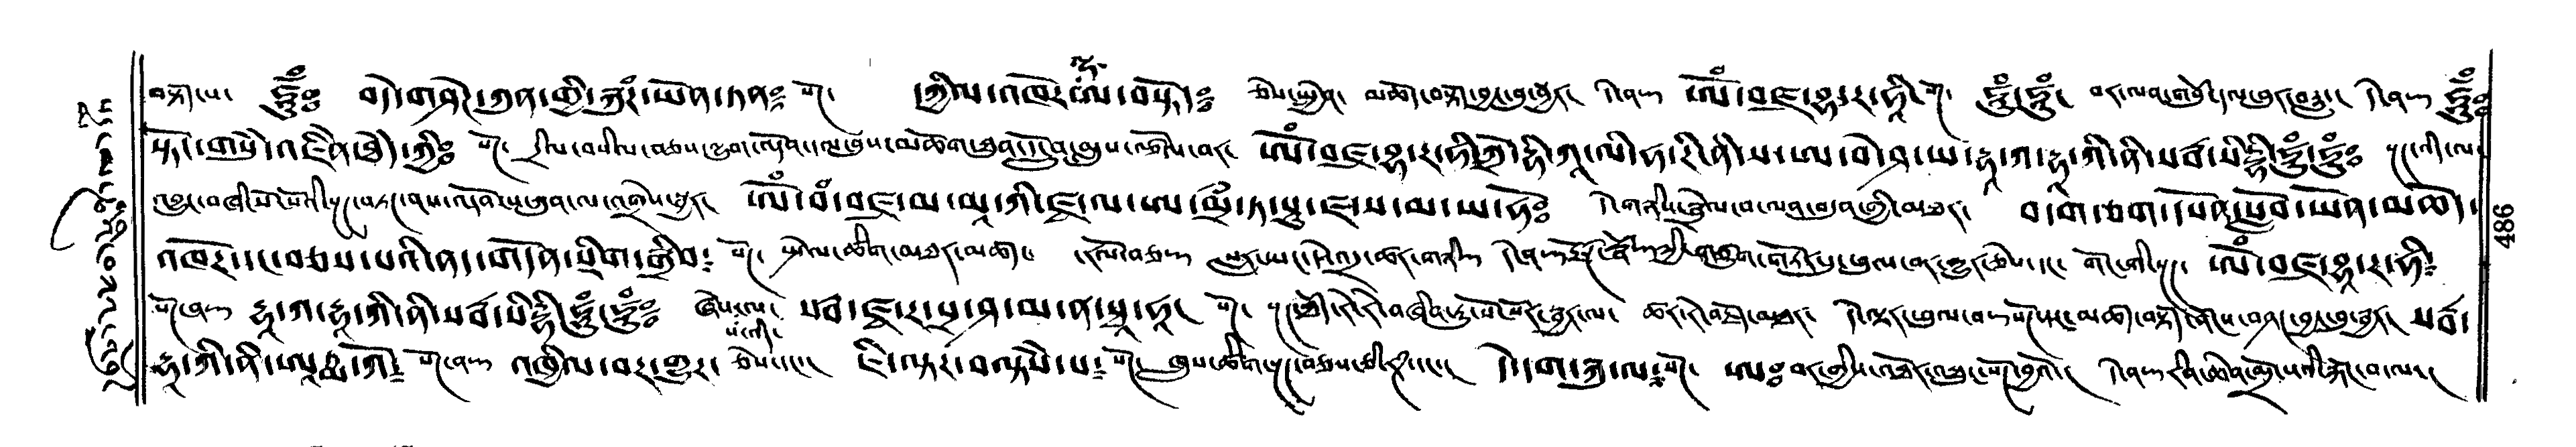བསྟོད་པ། ཧཱུྃ༔ བདེ་གཤེགས་ཀུན་གྱི་སྐུ་གསུང་ཐུགས་ཡོན་ཏན༔ སོགས། དཀྱིལ་འཁོར་ལྷ་ལ་བསྟོད༔ ཅེས་སྤྱན་འདྲེན། མཆོད་བསྟོད་བྱང་བུ་སྦྱར། དེ་ནས། ཨོཾ་བཛྲ་བྷ་ར་ཧཱི་སོགས། ཧཱུྃ་ཧཱུྃ༔ བར་ལན་གསུམ་དལ་བུར་བཟླ། དེ་ནས། ཧཱུྃ༔ 
སྟོང་གསུམ་འཇིག་རྟེན་ཐམས་ཅད་ཀྱི༔ སོགས་དྲིལ་བསིལ་བཅས་ལྷུག་འདོན་དལ་བུས་མཆོག་ཐུན་དངོས་གྲུབ་མ་ལུས་སྩཽལ༔ བར། ཨོཾ་བཛྲ་བྷ་ར་ཧི་ཀྲོ་དྷི་ཀཱ་ལི་ཧ་རི་ནི་ས་ཨ་བེ་ཤ་ཡ་དྷཱ་ཀ་དྷཱ་ཀི་ནི་སརྦ་སིདྡྷི་ཧཱུྃ་ཧཱུྃ༔ སྔགས་འདི་ལ་
འབྱུང་བཞི་སོ་སོའི་སྔགས་བཏགས་ནས་འདོན་པ་ཀུན་ལ་འགྲེས་སྦྱར། ཨོཾ་བཾ་བཛྲ་མ་མཱ་ཀི་ཛྭ་ལ་ཨ་མྲྀ་ཏ་པཱུ་ཛ་ས་མ་ཡ་ཧོ༔ དེ་གཉིས་སྦྲེལ་བ་ལན་བདུན་གྱི་མཐར། བདག་ཅག་དཔོན་སློབ་ཡོན་མཆོད་
འཁོར་དང་བཅས་པའི་ནད་གདོན་སྡིག་སྒྲིབ༴ སོགས་སྤེལ་ཚིག་མཐར་མཆོད་རོལ་བཅས། སླར་ཡང་དེ་འདྲ་ཚར་གཉིས། དེ་ནས་ལྷ་ཚོགས་རྣམས་ཀྱི་གཙུག་གཏོར་དུ་ཕུལ་བར་གྱུར་ཅེས་དང་། གོང་གི་སྔགས། ཨོཾ་བཛྲ་བྷཱ་ར་ཧི༴ 
སོགས་ནས། དྷཱ་ཀ་དྷཱ་ཀི་ནི་སརྦ་སིདྷི་ཧུཾ་ཧུཾ་ ཞེས་ལ་ སརྦ་ཛྭ་ར་ས་ཤ་མ་ན་སྭ་ཧྭ་ སོགས་ སྔགས་ཐམས་ཅད་རེ་རེ་བཞིན་ཏུ་སོ་སོར་སྦྱར་ལ་ ཚར་རེ་བརྗོད་མཐར་ དེ་ལྟར་ཕུལ་བས་སོགས་དང་མཚད་བསྟོད་བཤད་བྱང་བུ་སྦྱར་ སརྦ
དྷཱ་ཀི་ནི་ཨཱཏྨ་ཀོ༴ སོགས་ནས། འཁྱིལ་བར་གྱུར༔ ཅེས་དང་། ཇི་ལྟར་བལྟམས་པ༴ སོགས་ཁྲུས་ཚིག་སྔགས་བཅས་ཅི་རིགས་དང་། དེ་དག་སྐུ་ལ༴ སོགས། ཨཿ བར་གྱིས་འཐོར་འཐུང་སོགས་བྱའོ།། དེ་ནས་རིན་ཆེན་མཁའ་འགྲོའི་སྐོང་བ་ལ།